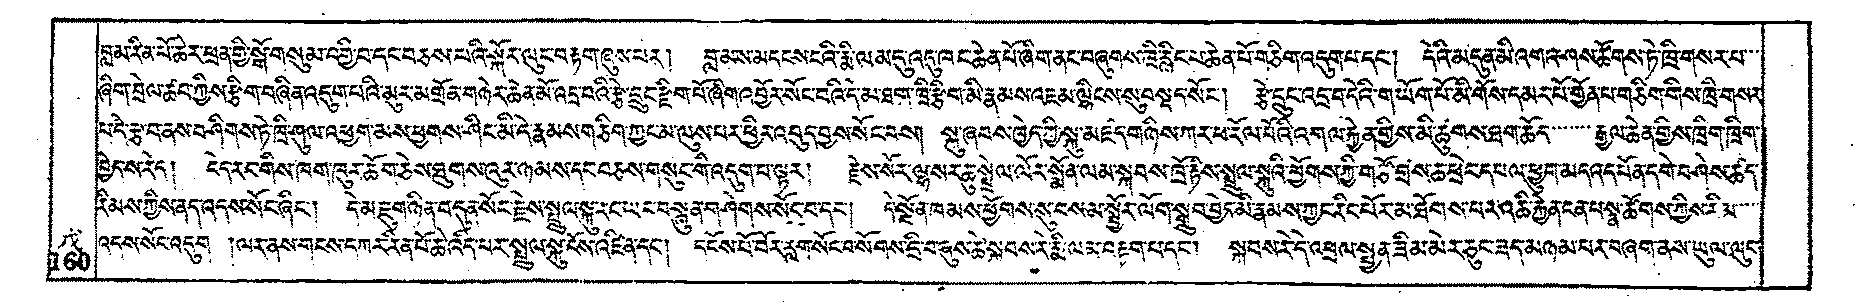བླ་མ་རིན་པོ་ཆེར་ཕྲན་གྱི་སྒོ་གསུམ་བགྱི་བ་དང་བཅས་པའི་སྐོར་ལུང་བརྟག་ཞུས་པར། བླ་མས་མདངས་ངའི་རྨི་ལམ་དུ་འདུ་ཁང་ཆེན་པོ་ཞིག་ནང་བཞུགས་ཁྲི་རྙིང་པ་ཆེན་པོ་གཅིག་འདུག་པ་དང་། དེའི་མདུན་མི་འགའ་ཤས་ཚོགས་ཏེ་ཁྲི་གསར་པ་
ཞིག་བྲེལ་ཚབ་ཀྱིས་རྩིག་བཞིན་འདུག་པའི་མུར་མགྲོན་གཉེར་ཆེན་མོ་འདྲ་བའི་རྩེ་དྲུང་རྫིག་པོ་ཞིག་འབྱོར་སོང་བའི་དེ་མ་ཐག་ཁྲི་རྩིག་མི་རྣམས་འཇམ་ལྷིངས་སུ་བསྡད་སོང་། རྩེ་དྲུང་འདྲ་བ་དེའི་གཡོག་པོ་མི་གོས་དམར་པོ་གྱོན་པ་གཅིག་གིས་ཁྲི་གསར་
པ་དེ་རྩ་བ་ནས་བཤིགས་ཏེ་ཁྲི་ཤུལ་འཕྱག་མས་ཕྱགས་ཤིང་མི་དེ་རྣམས་གཅིག་ཀྱང་མ་ལུས་པར་ཕྱིར་འབུད་བྱས་སོང་བས། སྐུ་ཞབས་ཁྱེད་ཀྱི་སྐུ་མཛད་གཉིས་ཀར་ཕ་རོལ་པོའི་འགལ་རྐྱེན་གྱིས་མི་ཚུགས་ཐག་ཆོད་རྒྱལ་ཆེན་གྱིས་ཁྲིག་ཁྲིག་
བྱེད་ས་རེད། ངེད་རང་གིས་ཁག་ཁུར་ཆོག་ཅེས་ཐུགས་འུར་ཉམས་དང་བཅས་གསུང་གི་འདུག་པ་ལྟར། རྗེས་སོར་ལྷ་སར་ཆུ་སྤྲེལ་ལོར་སྨོན་ལམ་སྐབས་ཁྲོ་རྟིས་སྤྲུལ་སྐུའི་ཕྱོགས་ཀྱི་གཙོ་གྲས་ཆ་ཕྲེང་དཔལ་ཕྱུག་མདའ་དཔོན་དགེ་བཤེས་ཚད་
རིམས་ཀྱིས་ནད་འདས་སོང་ཞིང་། དེ་མཇུག་ཉིན་བདུན་སོང་རྗེས་སྤྲུལ་སྐུ་རང་ཡང་བསྙུན་གཤེགས་སོང་བ་དང་། དེ་སྔོན་ཁམས་ཕྱོགས་སུ་བསམ་སྦྱོར་ལོག་སྒྲུབ་བྱེད་མི་རྣམས་ཀྱང་རིང་པོར་མ་ཐོགས་པར་འཆི་རྐྱེན་ངན་པ་སྣ་ཚོགས་ཀྱིས་རིམ་
འདས་སོང་འདུག །ལར་ནས་གངས་དཀར་རིན་པོ་ཆེ་འདི་པར་སྤྲུལ་སྐུ་ངོས་ཛིན་དང་། དངོས་པོ་བོར་རླག་སོང་བ་སོགས་དྲི་བ་ཞུས་ཚེ་སྐབས་རེ་རྨི་ལམ་བརྟག་པ་དང་། སྐབས་རེ་དེ་འཕྲལ་སྤྱན་ཟིམ་མེར་ཅུང་ཟད་མཉམ་པར་བཞག་ནས་ཡུལ་ལུང་